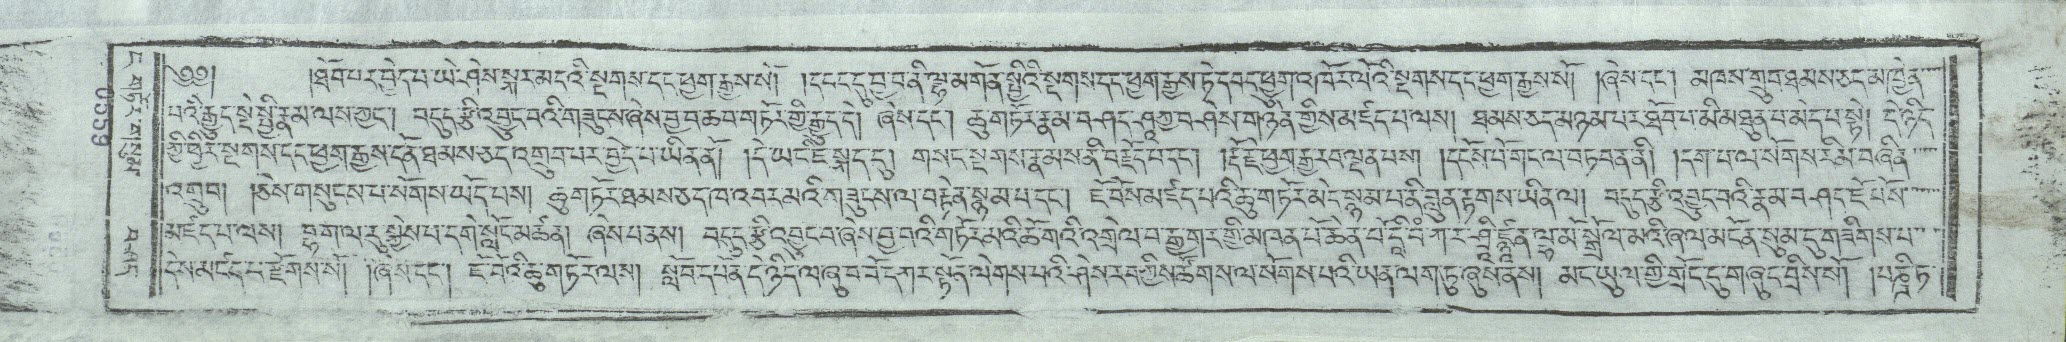༄༅། །ཐོབ་པར་བྱེད་པ་ཡེ་ཤེས་སྐར་མདའི་སྔགས་དང་ཕྱག་རྒྱས་སོ། །དབང་དུ་བྱ་བ་ནི་ལྷ་མགོན་སྤྱིའི་སྔགས་དང་ཕྱག་རྒྱས་ཏེ་དབང་ཕྱུག་འཁོར་ལོའི་སྔགས་དང་ཕྱག་རྒྱས་སོ། །ཞེས་དང་། མཁས་གྲུབ་ཐམས་ཅད་མཁྱེན་
པའི་རྒྱུད་སྡེ་སྤྱི་རྣམ་ལས་ཀྱང་། བདུད་རྩི་འབྱུང་བའི་གཟུངས་ཞེས་བྱ་བ་ཆབ་གཏོར་གྱི་རྒྱུད་དེ། ཞེས་དང་། ཆུ་གཏོར་རྣམ་བཤད་ཤཱཀྱ་བཤེས་གཉེན་གྱིས་མཛད་པ་ལས། ཐམས་ཅད་མཉམ་པར་ཐོབ་པ་མི་མཐུན་པ་མེད་པ་སྟེ། དེ་ཉིད་
ཀྱི་ཕྱིར་སྔགས་དང་ཕྱག་རྒྱས་དོན་ཐམས་ཅད་འགྲུབ་པར་བྱེད་པ་ཡིན་ནོ། །དེ་ཡང་ཇི་སྐད་དུ། གསང་སྔགས་རྣམས་ནི་བརྗོད་པ་དང་། །རྡོ་རྗེ་ཕྱག་རྒྱ་རབ་ལྡན་པས། །དངོས་པོ་གང་ལ་བཏབ་ན་ནི། །དག་པ་ལ་སོགས་རིམ་བཞིན་
འགྲུབ། །ཅེས་གསུངས་པ་སོགས་ཡོད་པས། ཆུ་གཏོར་ཐམས་ཅད་ཁ་འབར་མའི་གཟུངས་ལ་བརྟེན་སྙམ་པ་དང་། ཇོ་བོས་མཛད་པའི་ཆུ་གཏོར་མེད་སྙམ་པ་ནི་བླུན་རྟགས་ཡིན་ལ། བདུད་རྩི་འབྱུང་བའི་རྣམ་བཤད་ཇོ་བོས་
མཛད་པ་ལས། བྷ་ག་ལ་རུ་སྐྱེས་པ་དགེ་སློང་མཚན། ཞེས་པ་ནས། བདུད་རྩི་འབྱུང་བ་ཞེས་བྱ་བའི་གཏོར་མའི་ཆོ་གའི་འགྲེལ་བ་རྒྱ་གར་གྱི་མཁན་པོ་ཆེན་པོ་དཱི་བཾ་ཀ་ར་ཤྲཱི་ཛྙཱ་ན་ལྷ་མོ་སྒྲོལ་མའི་ཞལ་མངོན་སུམ་དུ་གཟིགས་པ་
དེས་མཛད་པ་རྫོགས་སོ། །ཞེས་དང་། ཇོ་བོའི་ཆུ་གཏོར་ལས། སློབ་དཔོན་དེ་ཉིད་ལ་ཞུ་བ་བོ་དཀར་སྟོན་ལེགས་པའི་ཤེས་རབ་ཀྱིས་ཚོགས་ལ་སོགས་པའི་ཡན་ལག་ཏུ་ཞུས་ནས། མང་ཡུལ་གྱི་གྲོང་དུ་གཞུང་བྲིས་སོ། །པཎྜི་ཏ་